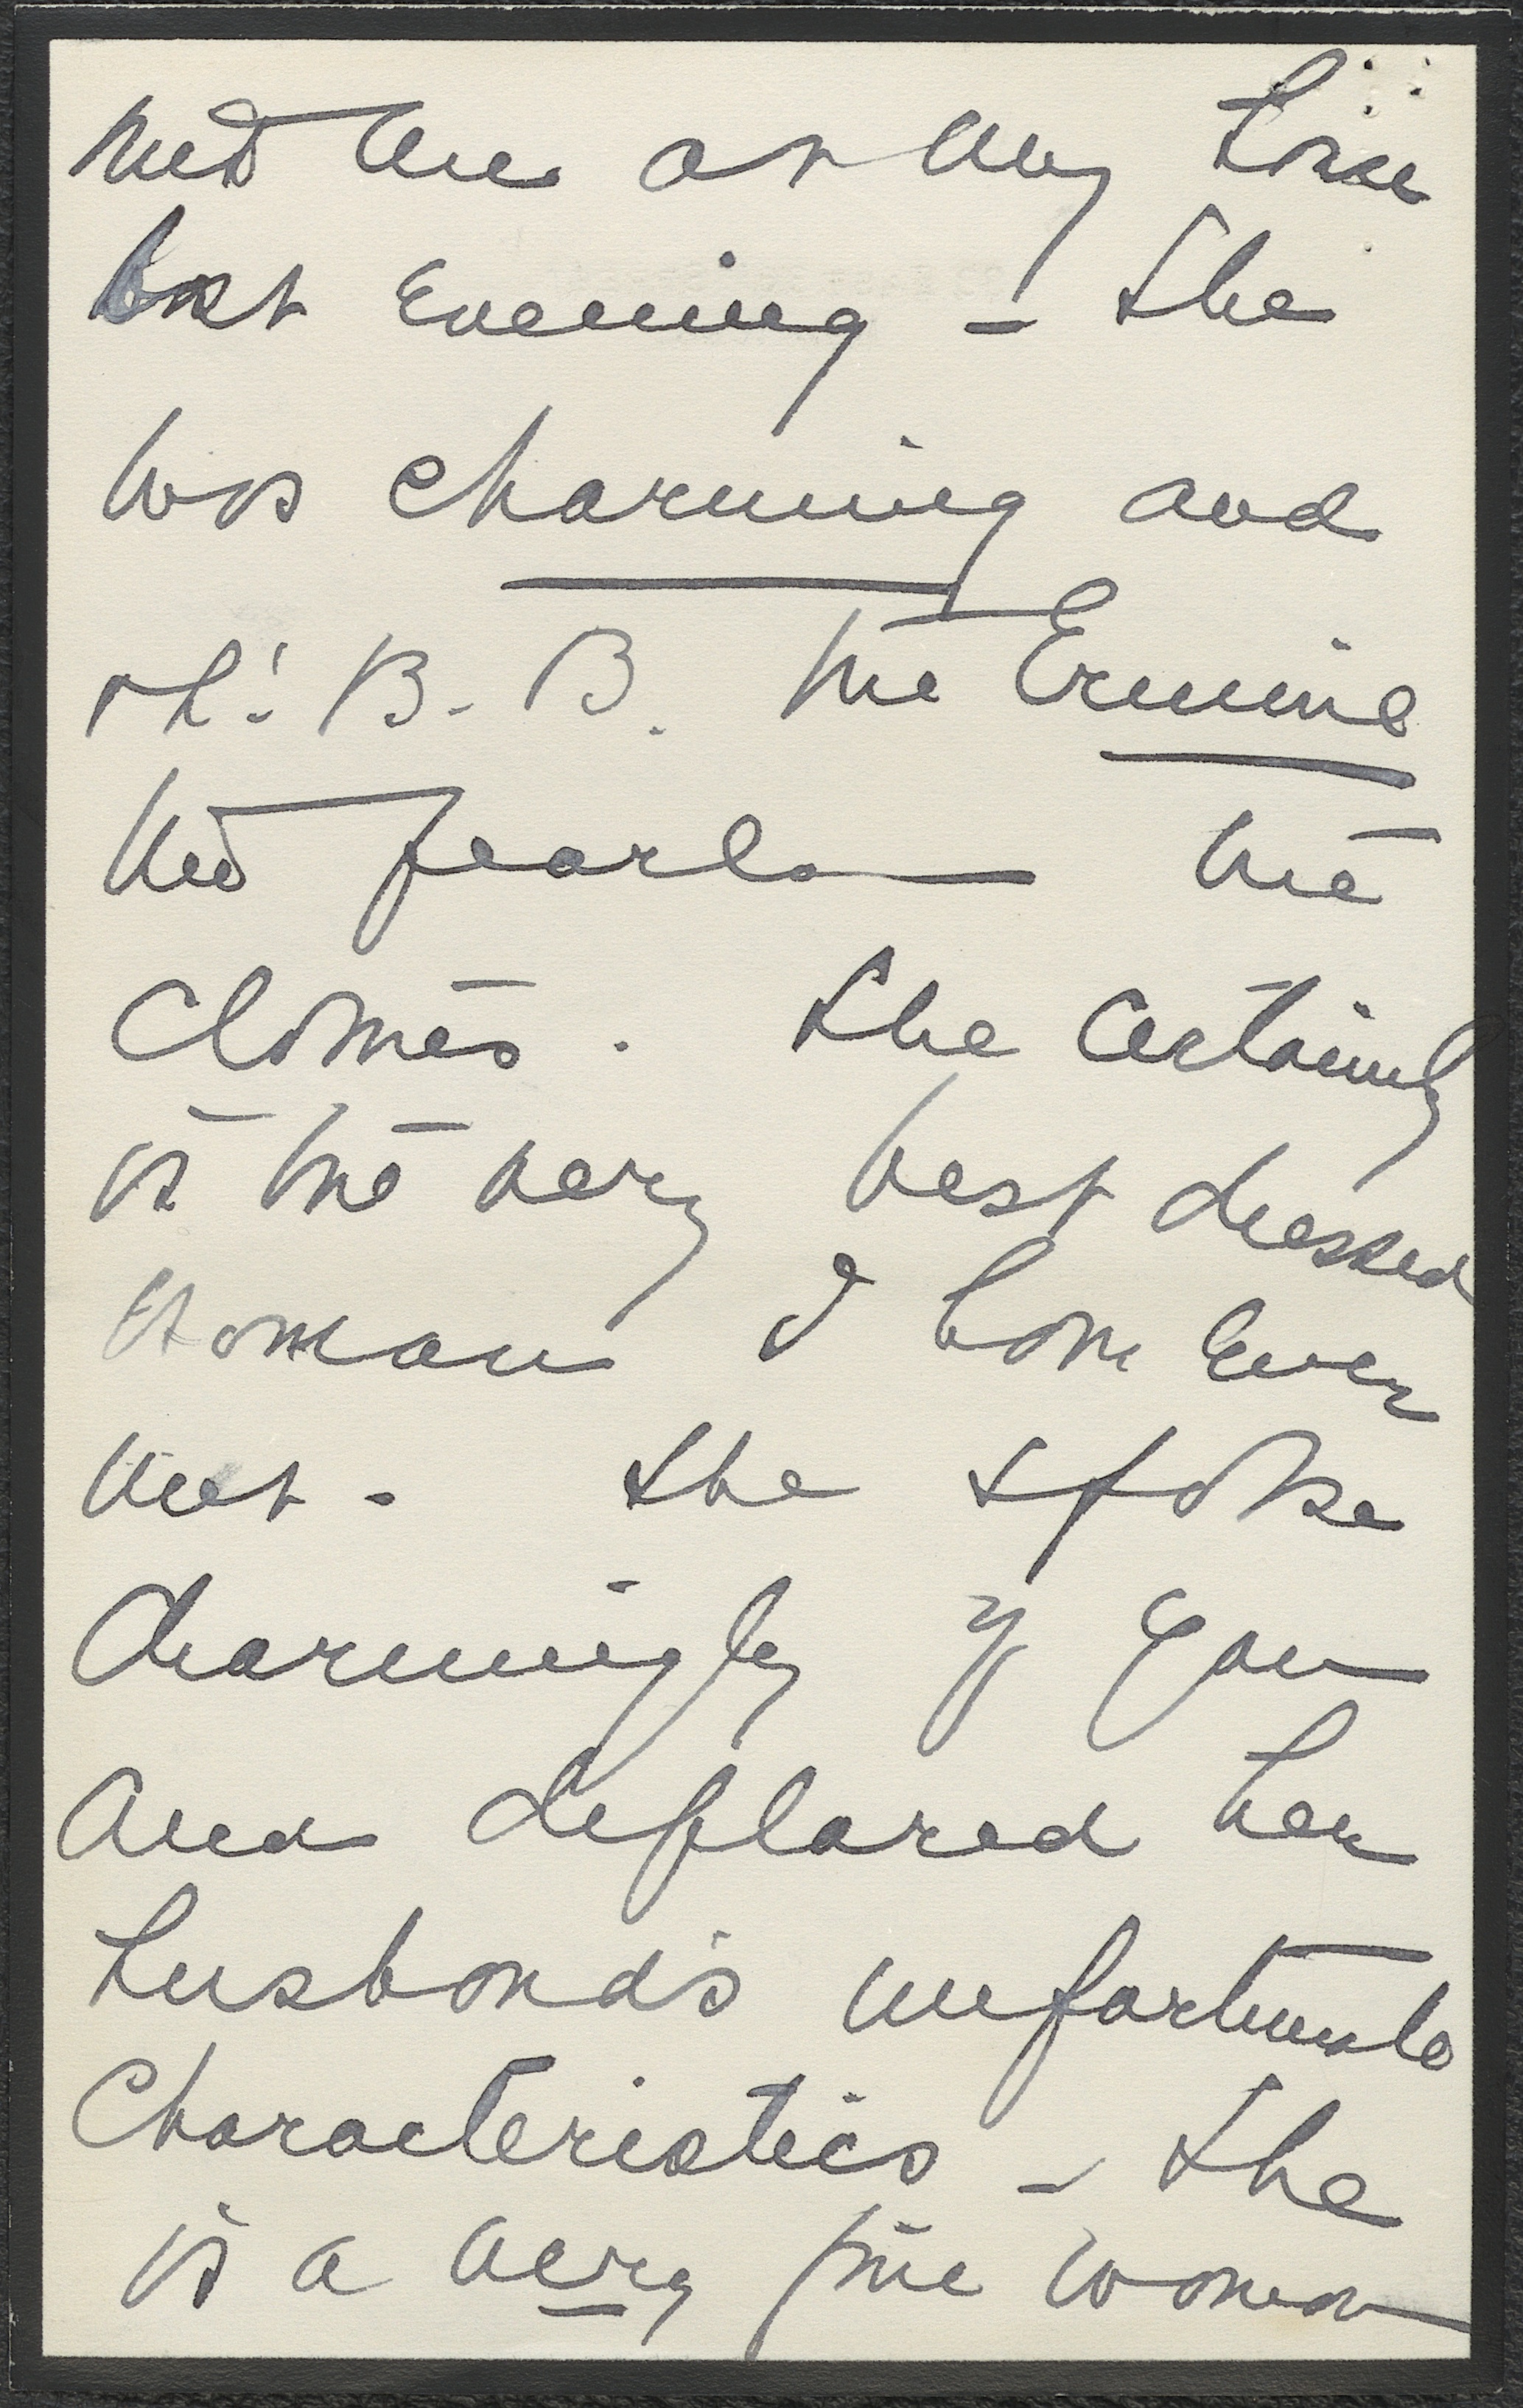with me at my house last evening – She was charming and oh! B. B. the Ermine the pearls – the clothes. She certainly is the very best dressed woman I have ever met – she spoke charmingly of you and deplored her husband’s unfortunate characteristics – She is a very fine woman